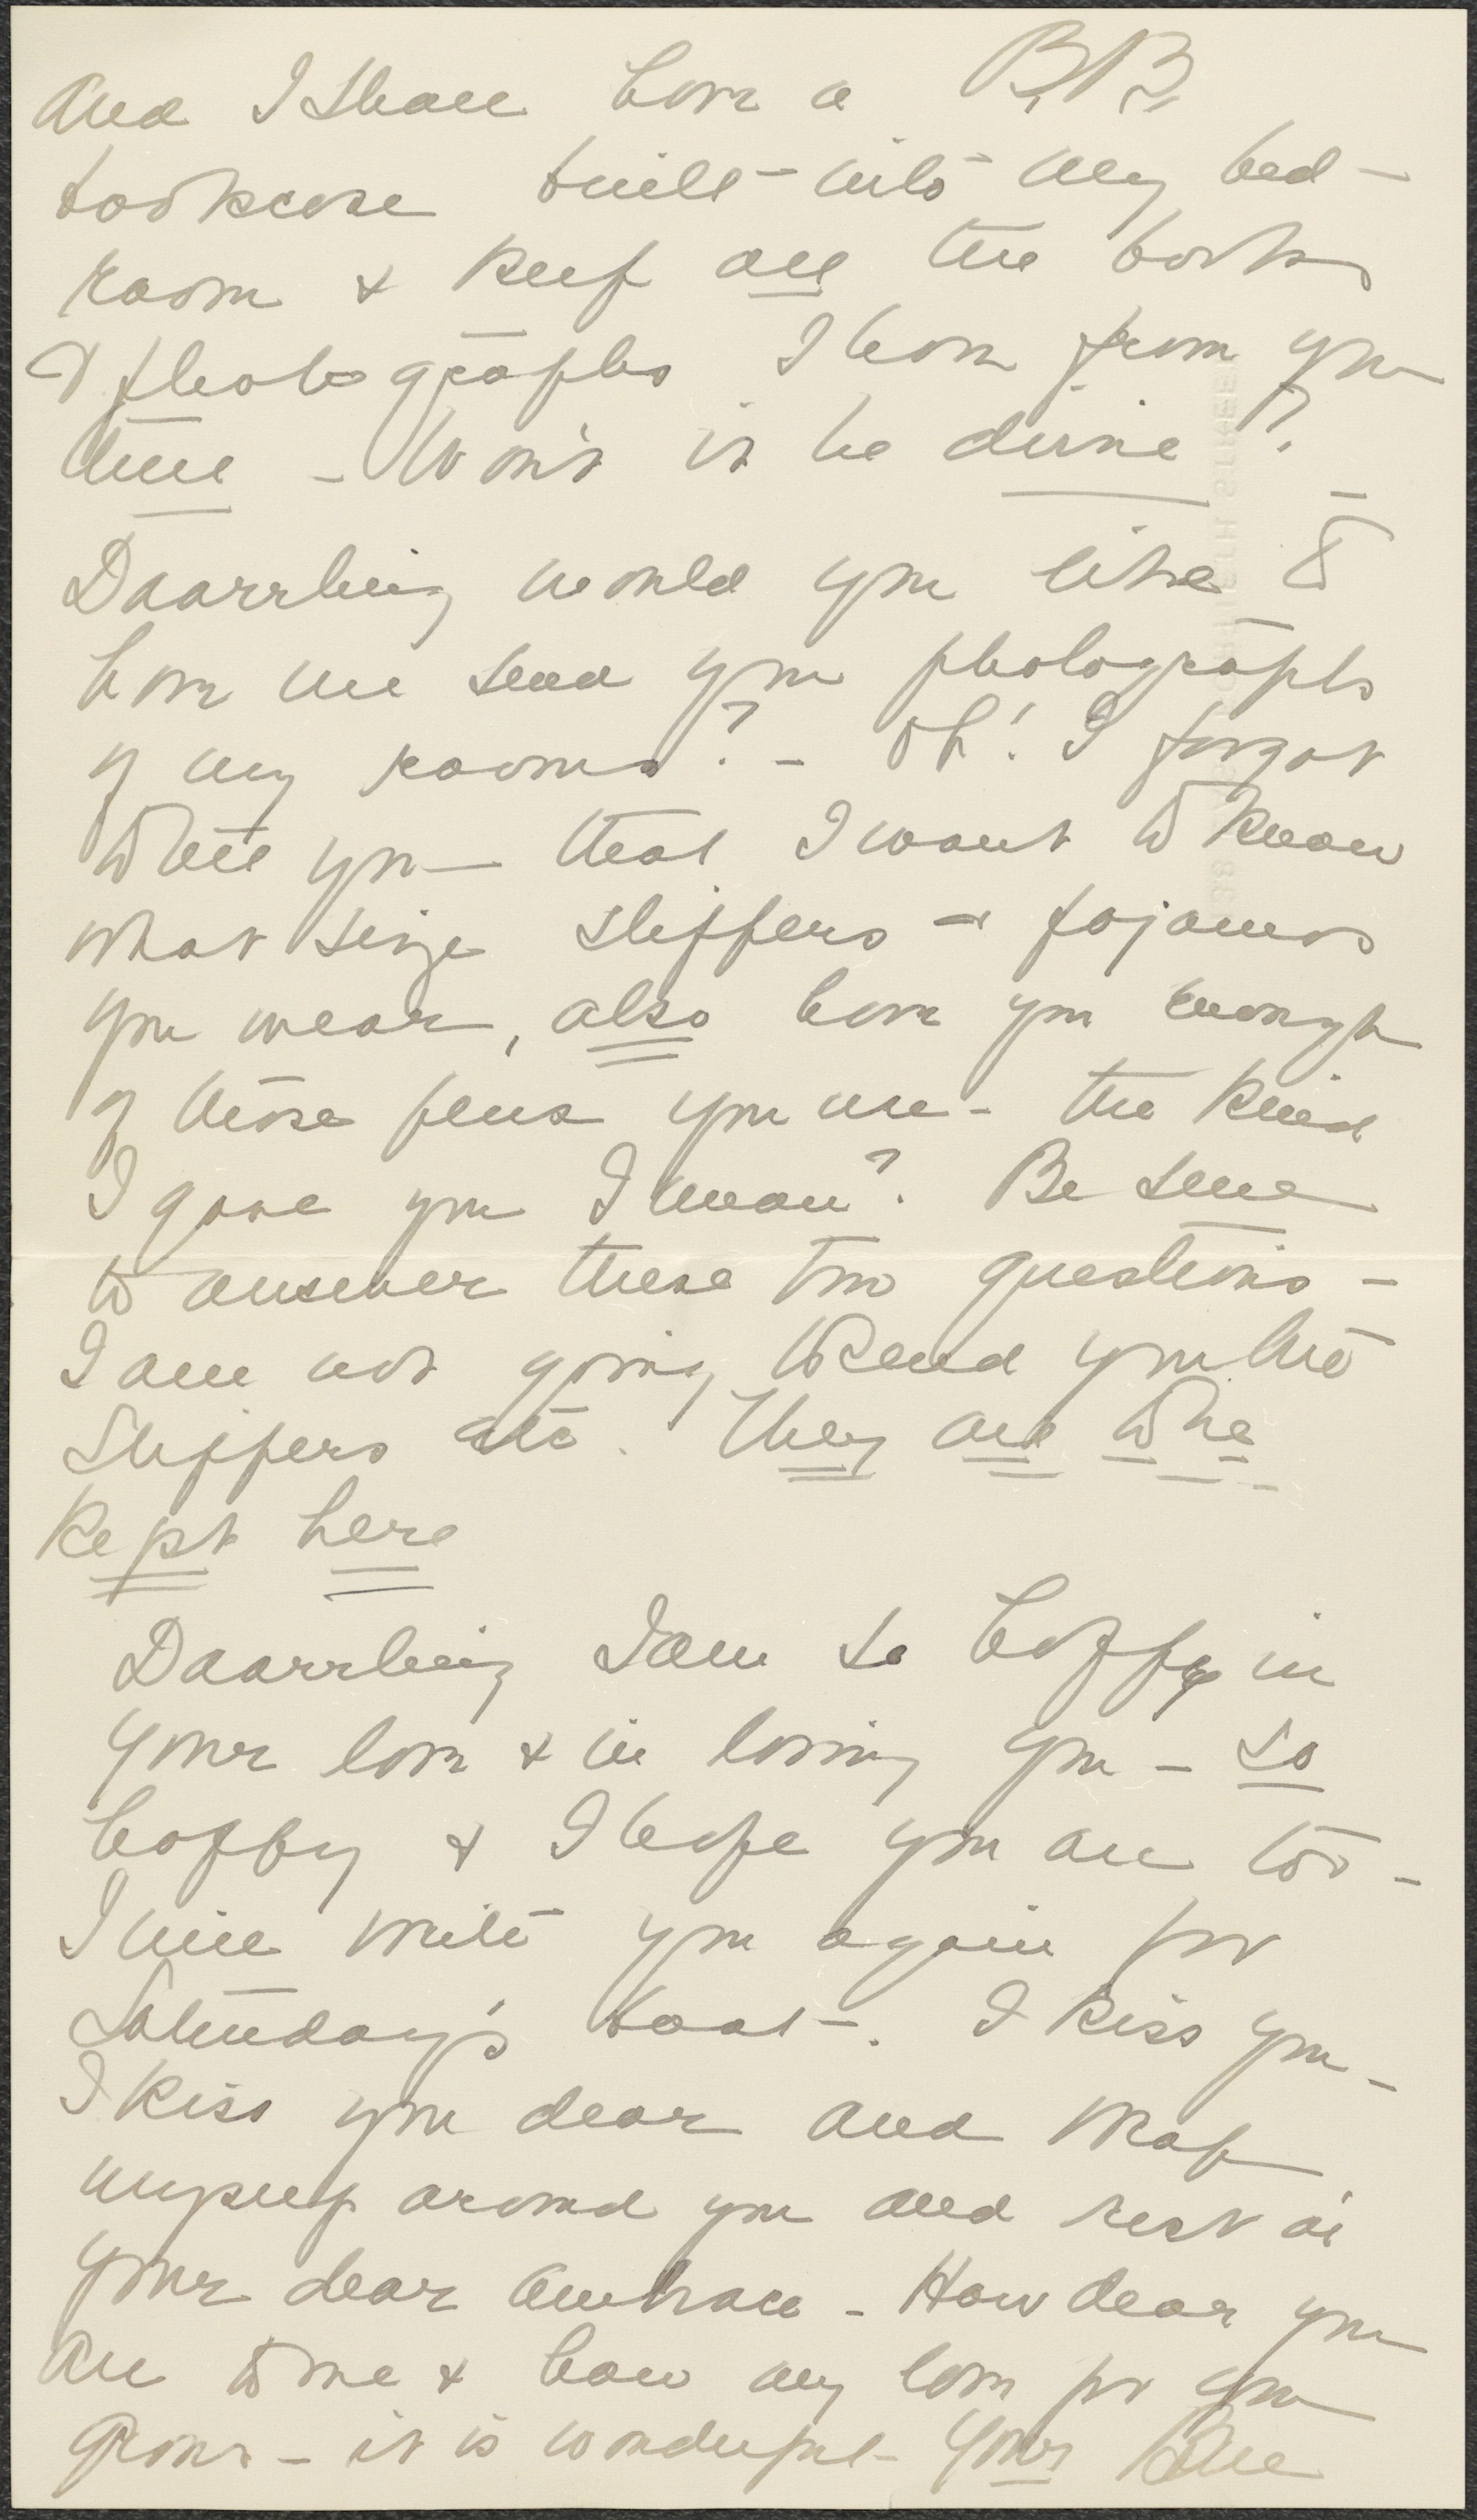and I shall have a B. B. bookcase built into my bedroom & keep all the books & photographs I have from you there – Won’t it be divine? –
Daarrling would you like to have me send you photographs of my rooms? – oh! I forgot to tell you – that I want to know what size slippers & pajamas you wear, [double underlined: also] have you enough of those pens you use – the kind I gave you I mean? Be sure to answer these two questions – I am not going to send you two slippers etc. [double underlined: They are to be kept here]
Daarrling I am so happy in your love & in loving you – so happy & I hope you are too – I will write you again for Saturday’s boat. I kiss you – I kiss you dear and wrap myself around you and rest in your dear embrace – How dear you are to me & how my love for you grows – it is wonderful – Your Belle